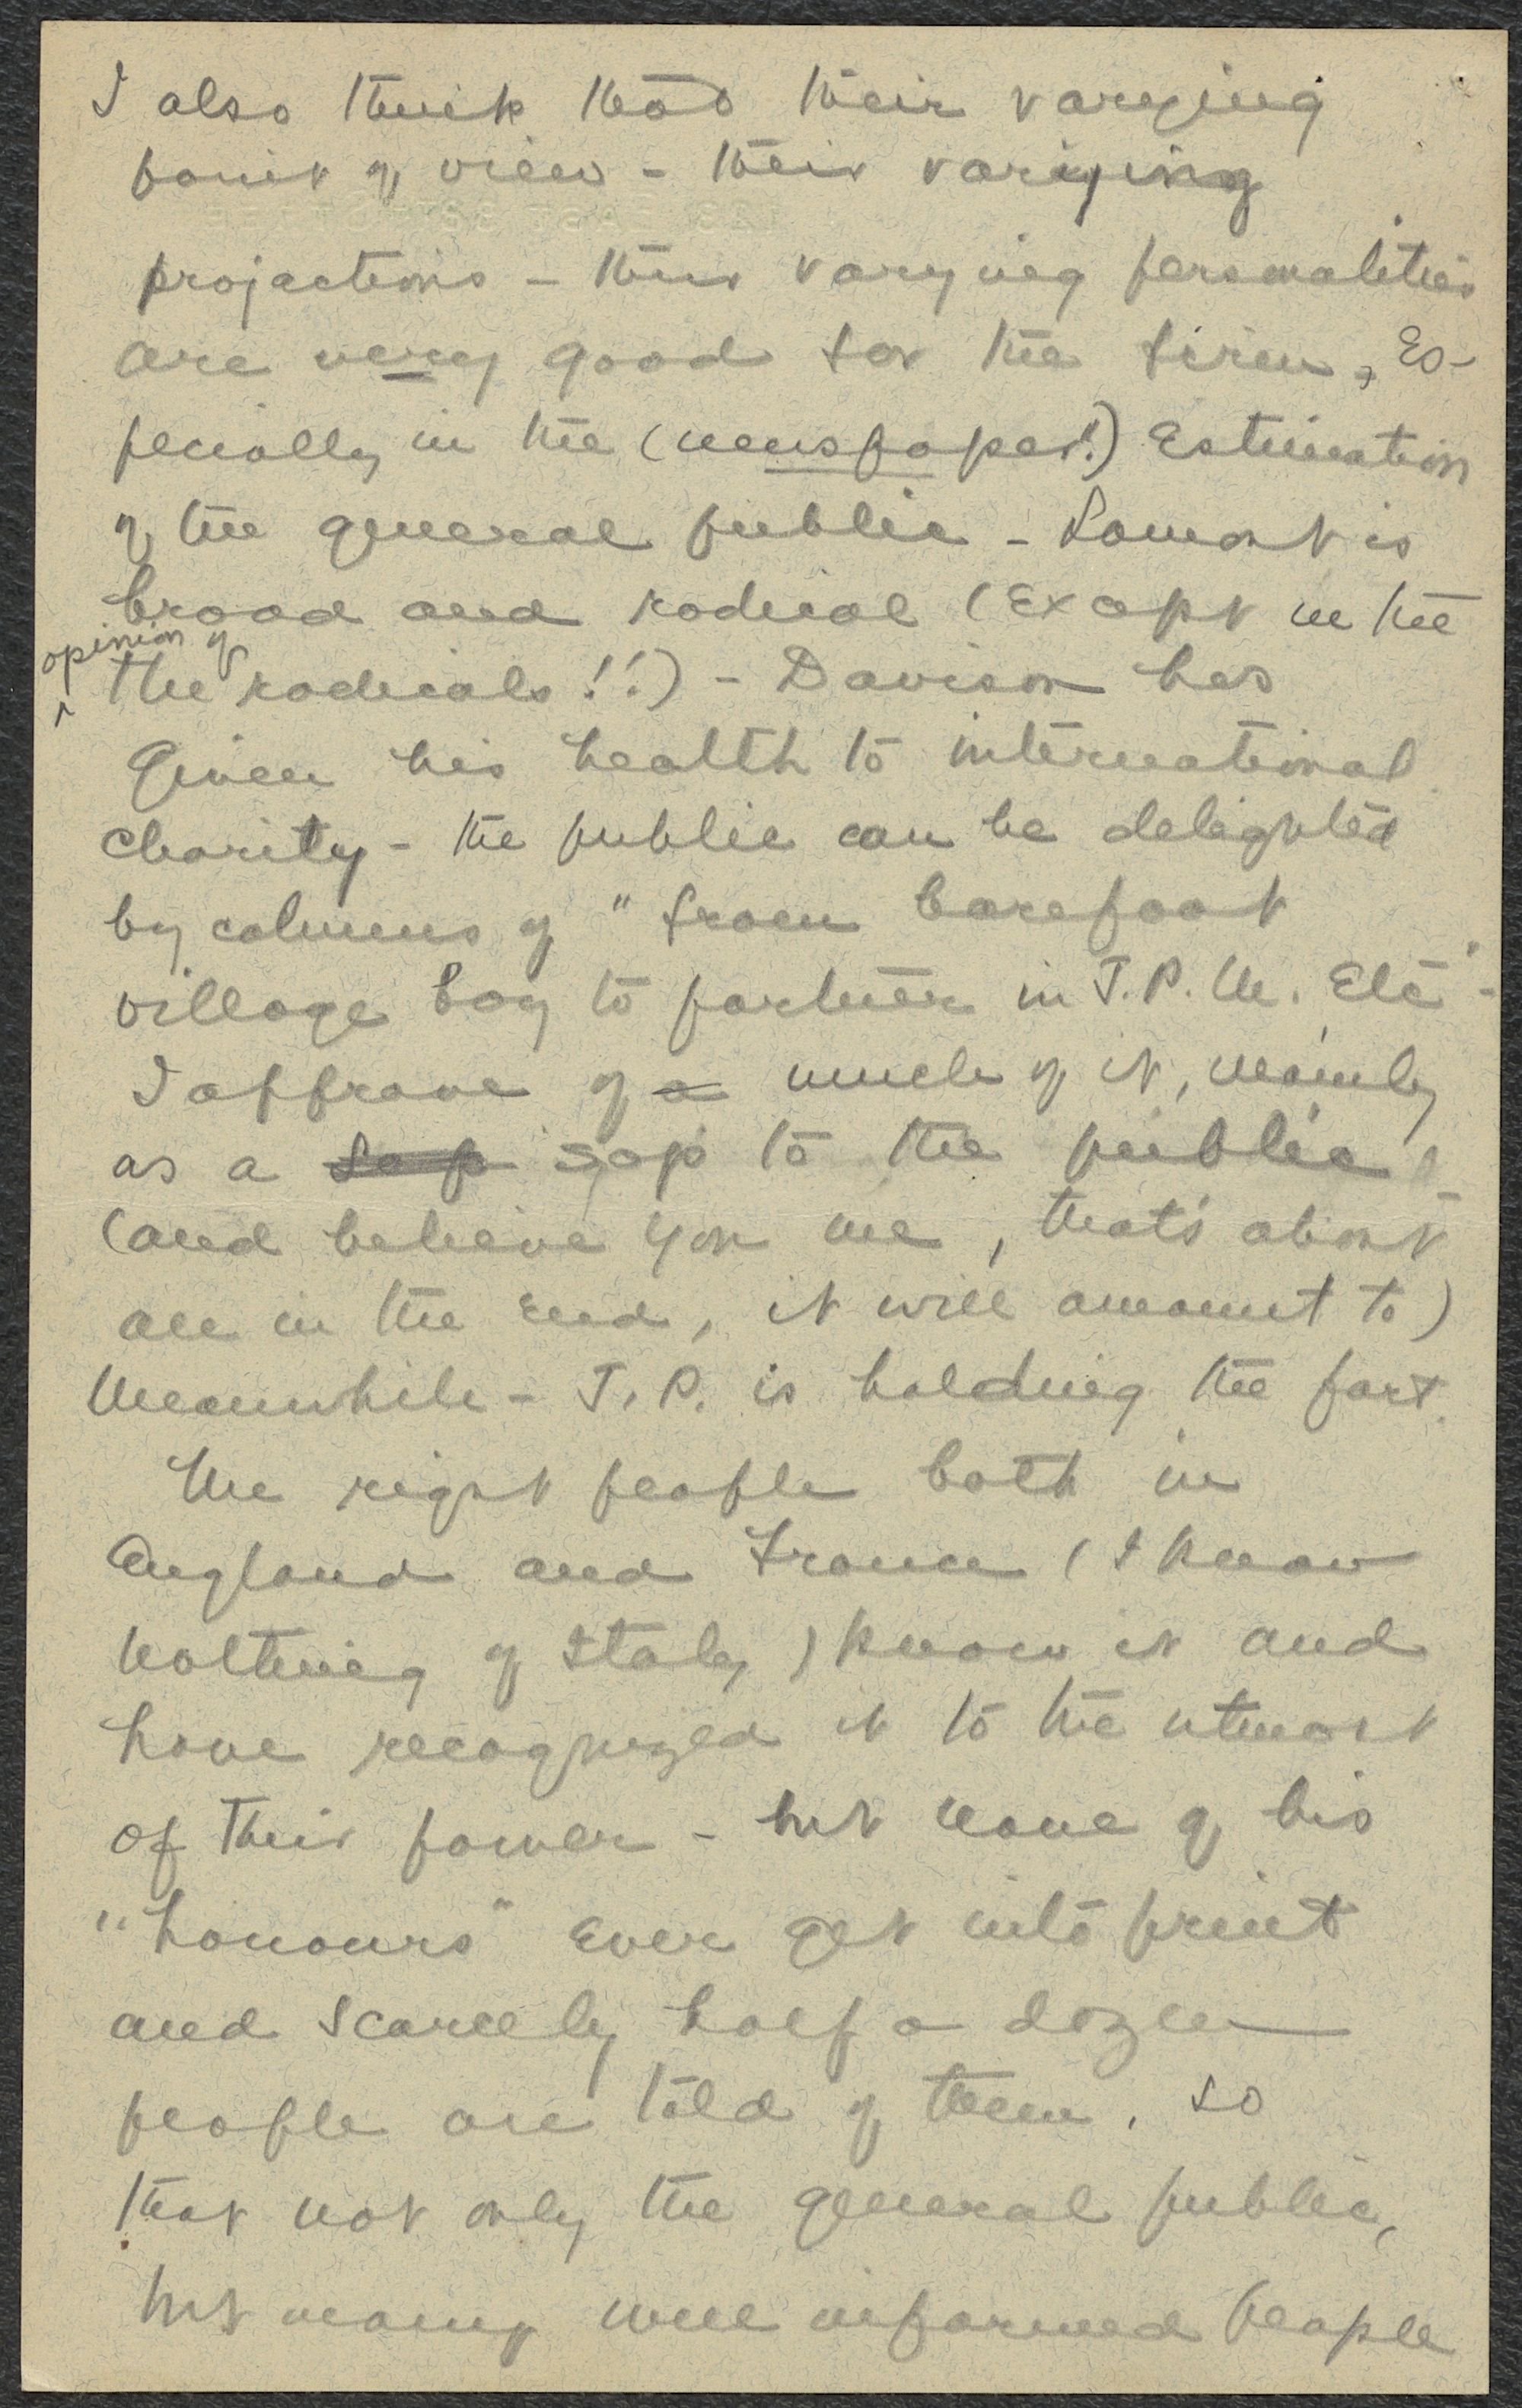I also think that their varying point of view – their varying projections – their varying personalities are very good for the firm, especially in the (newspaper!) estimation of the general public – Lamont is broad and radical (except in the [^opinion of^] the radicals!!) – Davison has given his health to international charity – the public can be delighted by columns of “from barefoot village boy to partner in J.P.M etc” – I approve of a much of it, mainly as a sop ‘sopo’ to the public (and believe you me, that’s about all in the end, it will amount to) meanwhile – J.P is holding the fort. The right people both in England and France (I know nothing of Italy) know it and have recognized it to the utmost of their power – but none of his “honours” ever get into print and scarcely half a dozen people are told of them, so that not only the general public, his many well informed people